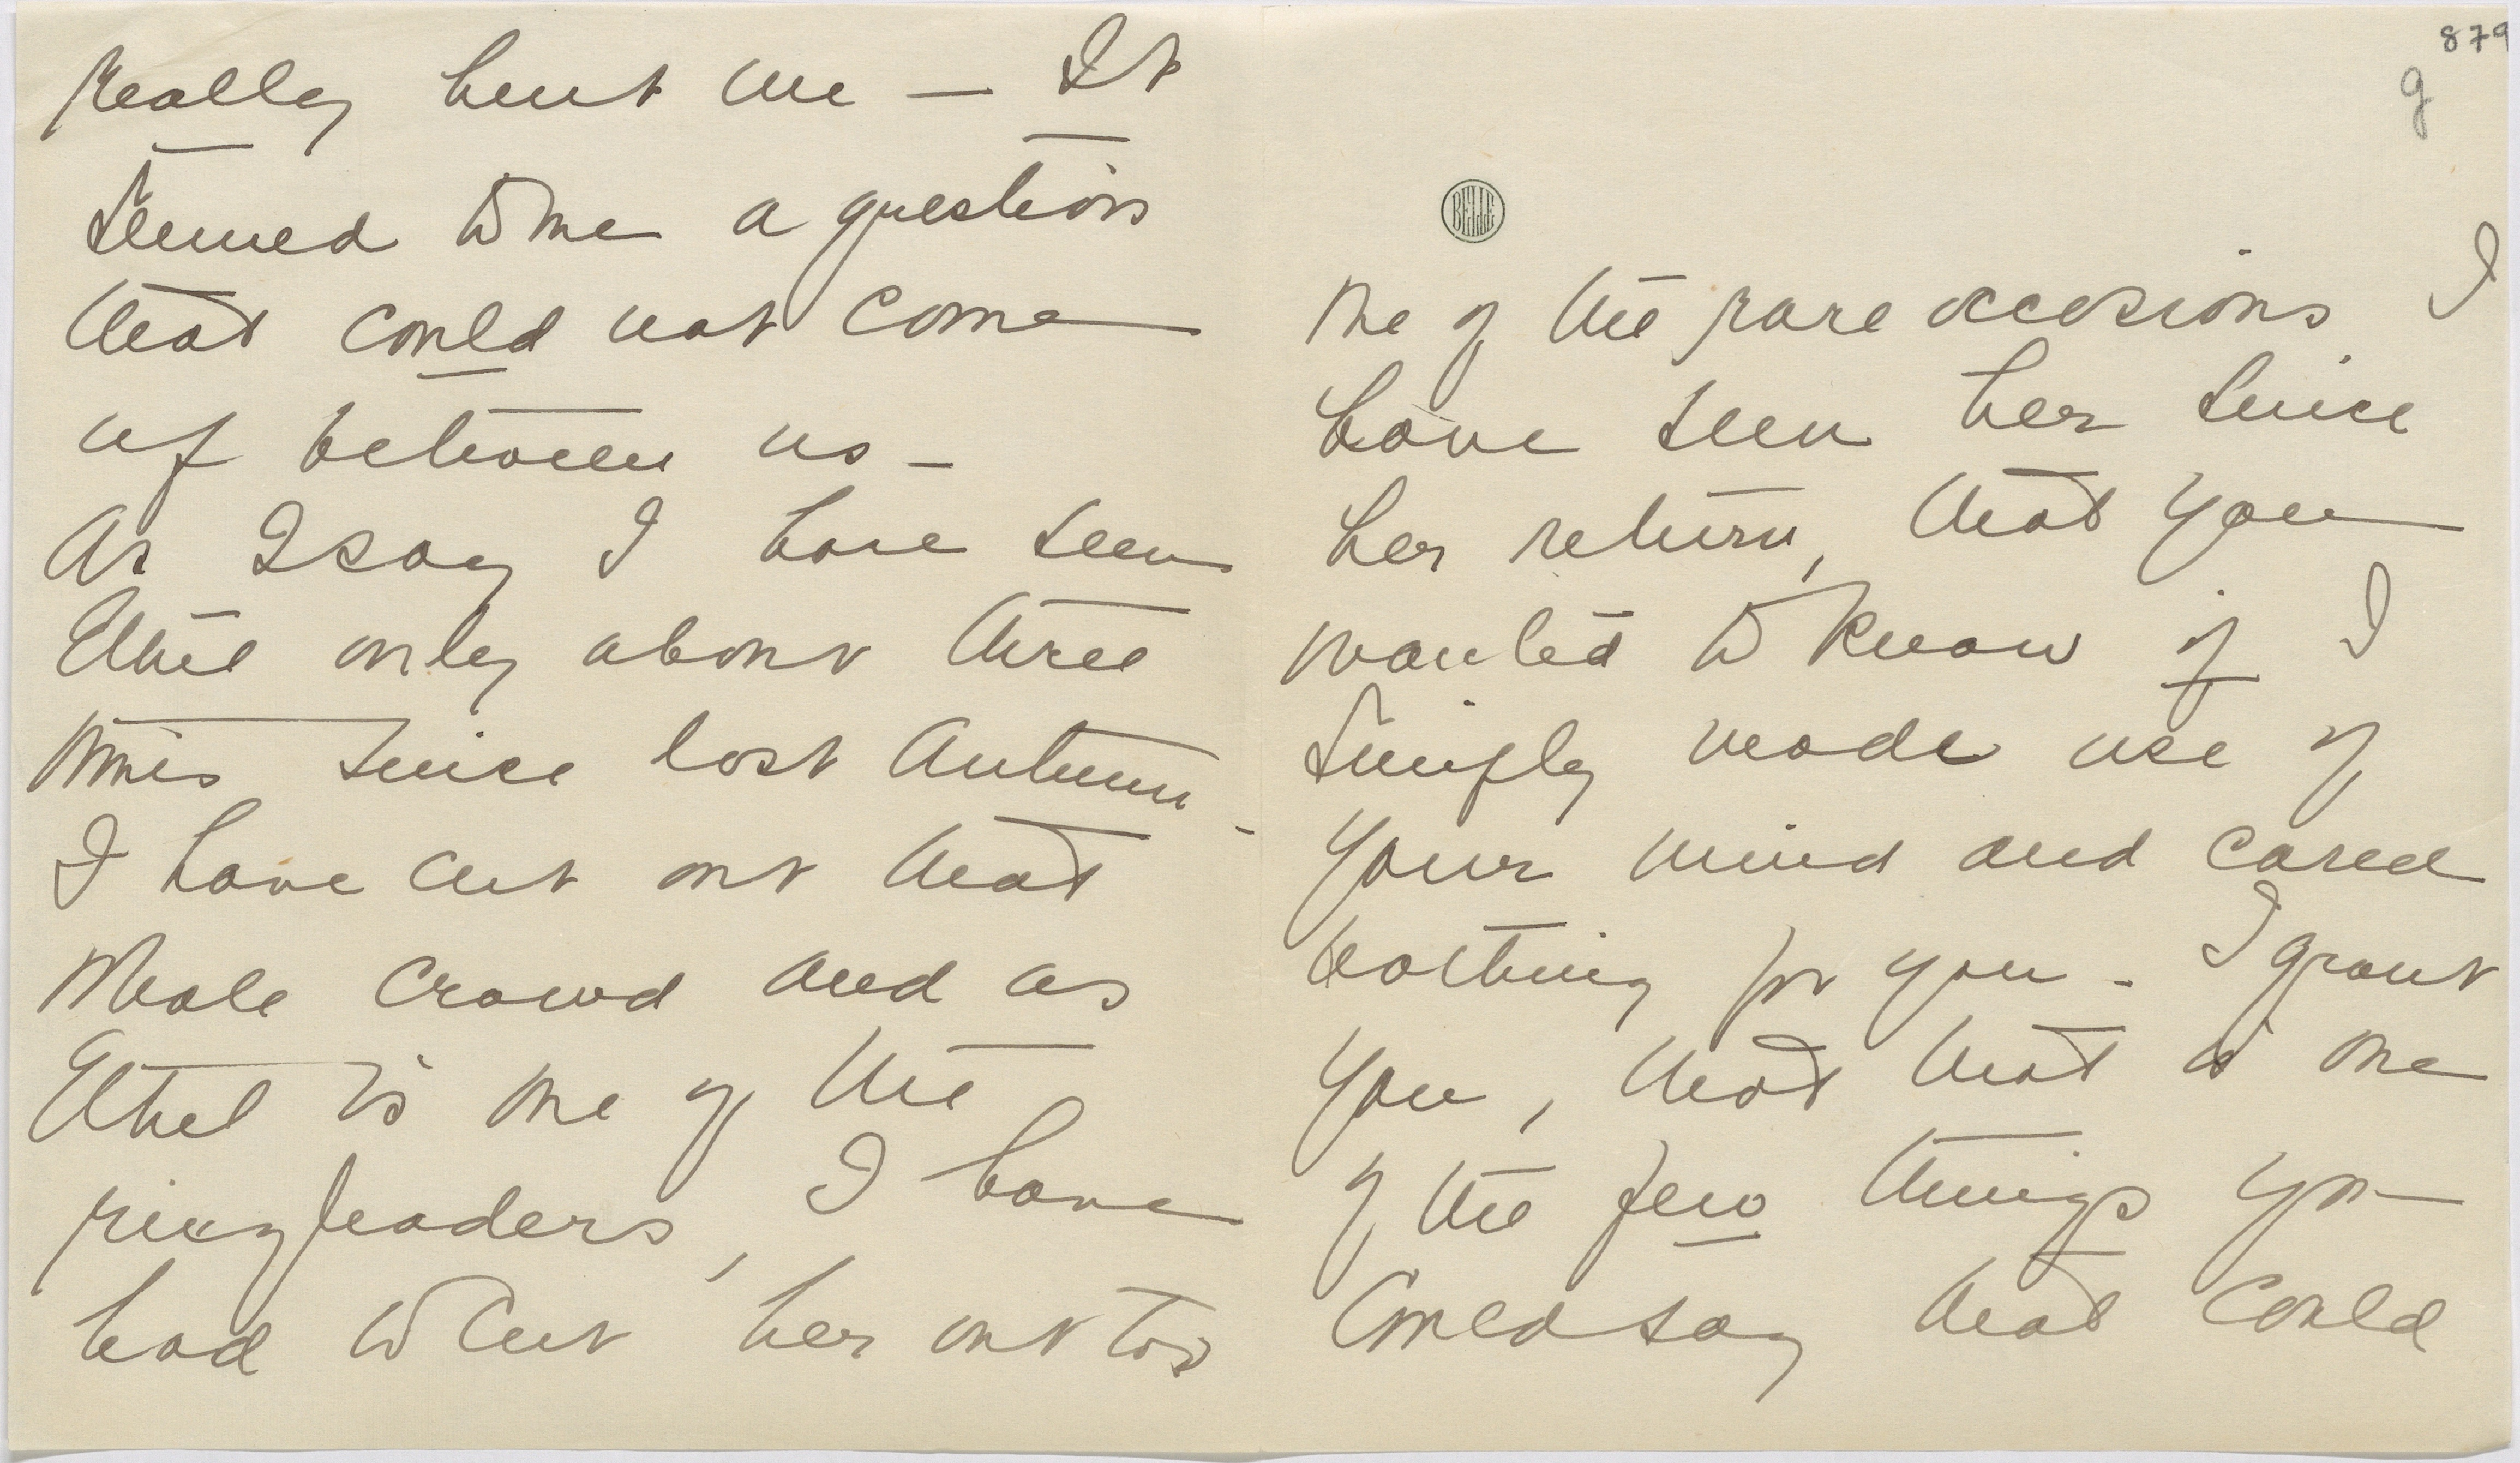one of the rare occasions I have seen her since her return, that you wanted to know if I simply made use of your mind and cared nothing for you – I grant you, that that is one of the few things you could say that could
really hurt me – It seemed to be a question that could not come up between us – As I say I have seen Ethel only about three times since last Autumn – I have cut out that whole crowd and as Ethel is one of the ringleaders, I have had to cut her out too